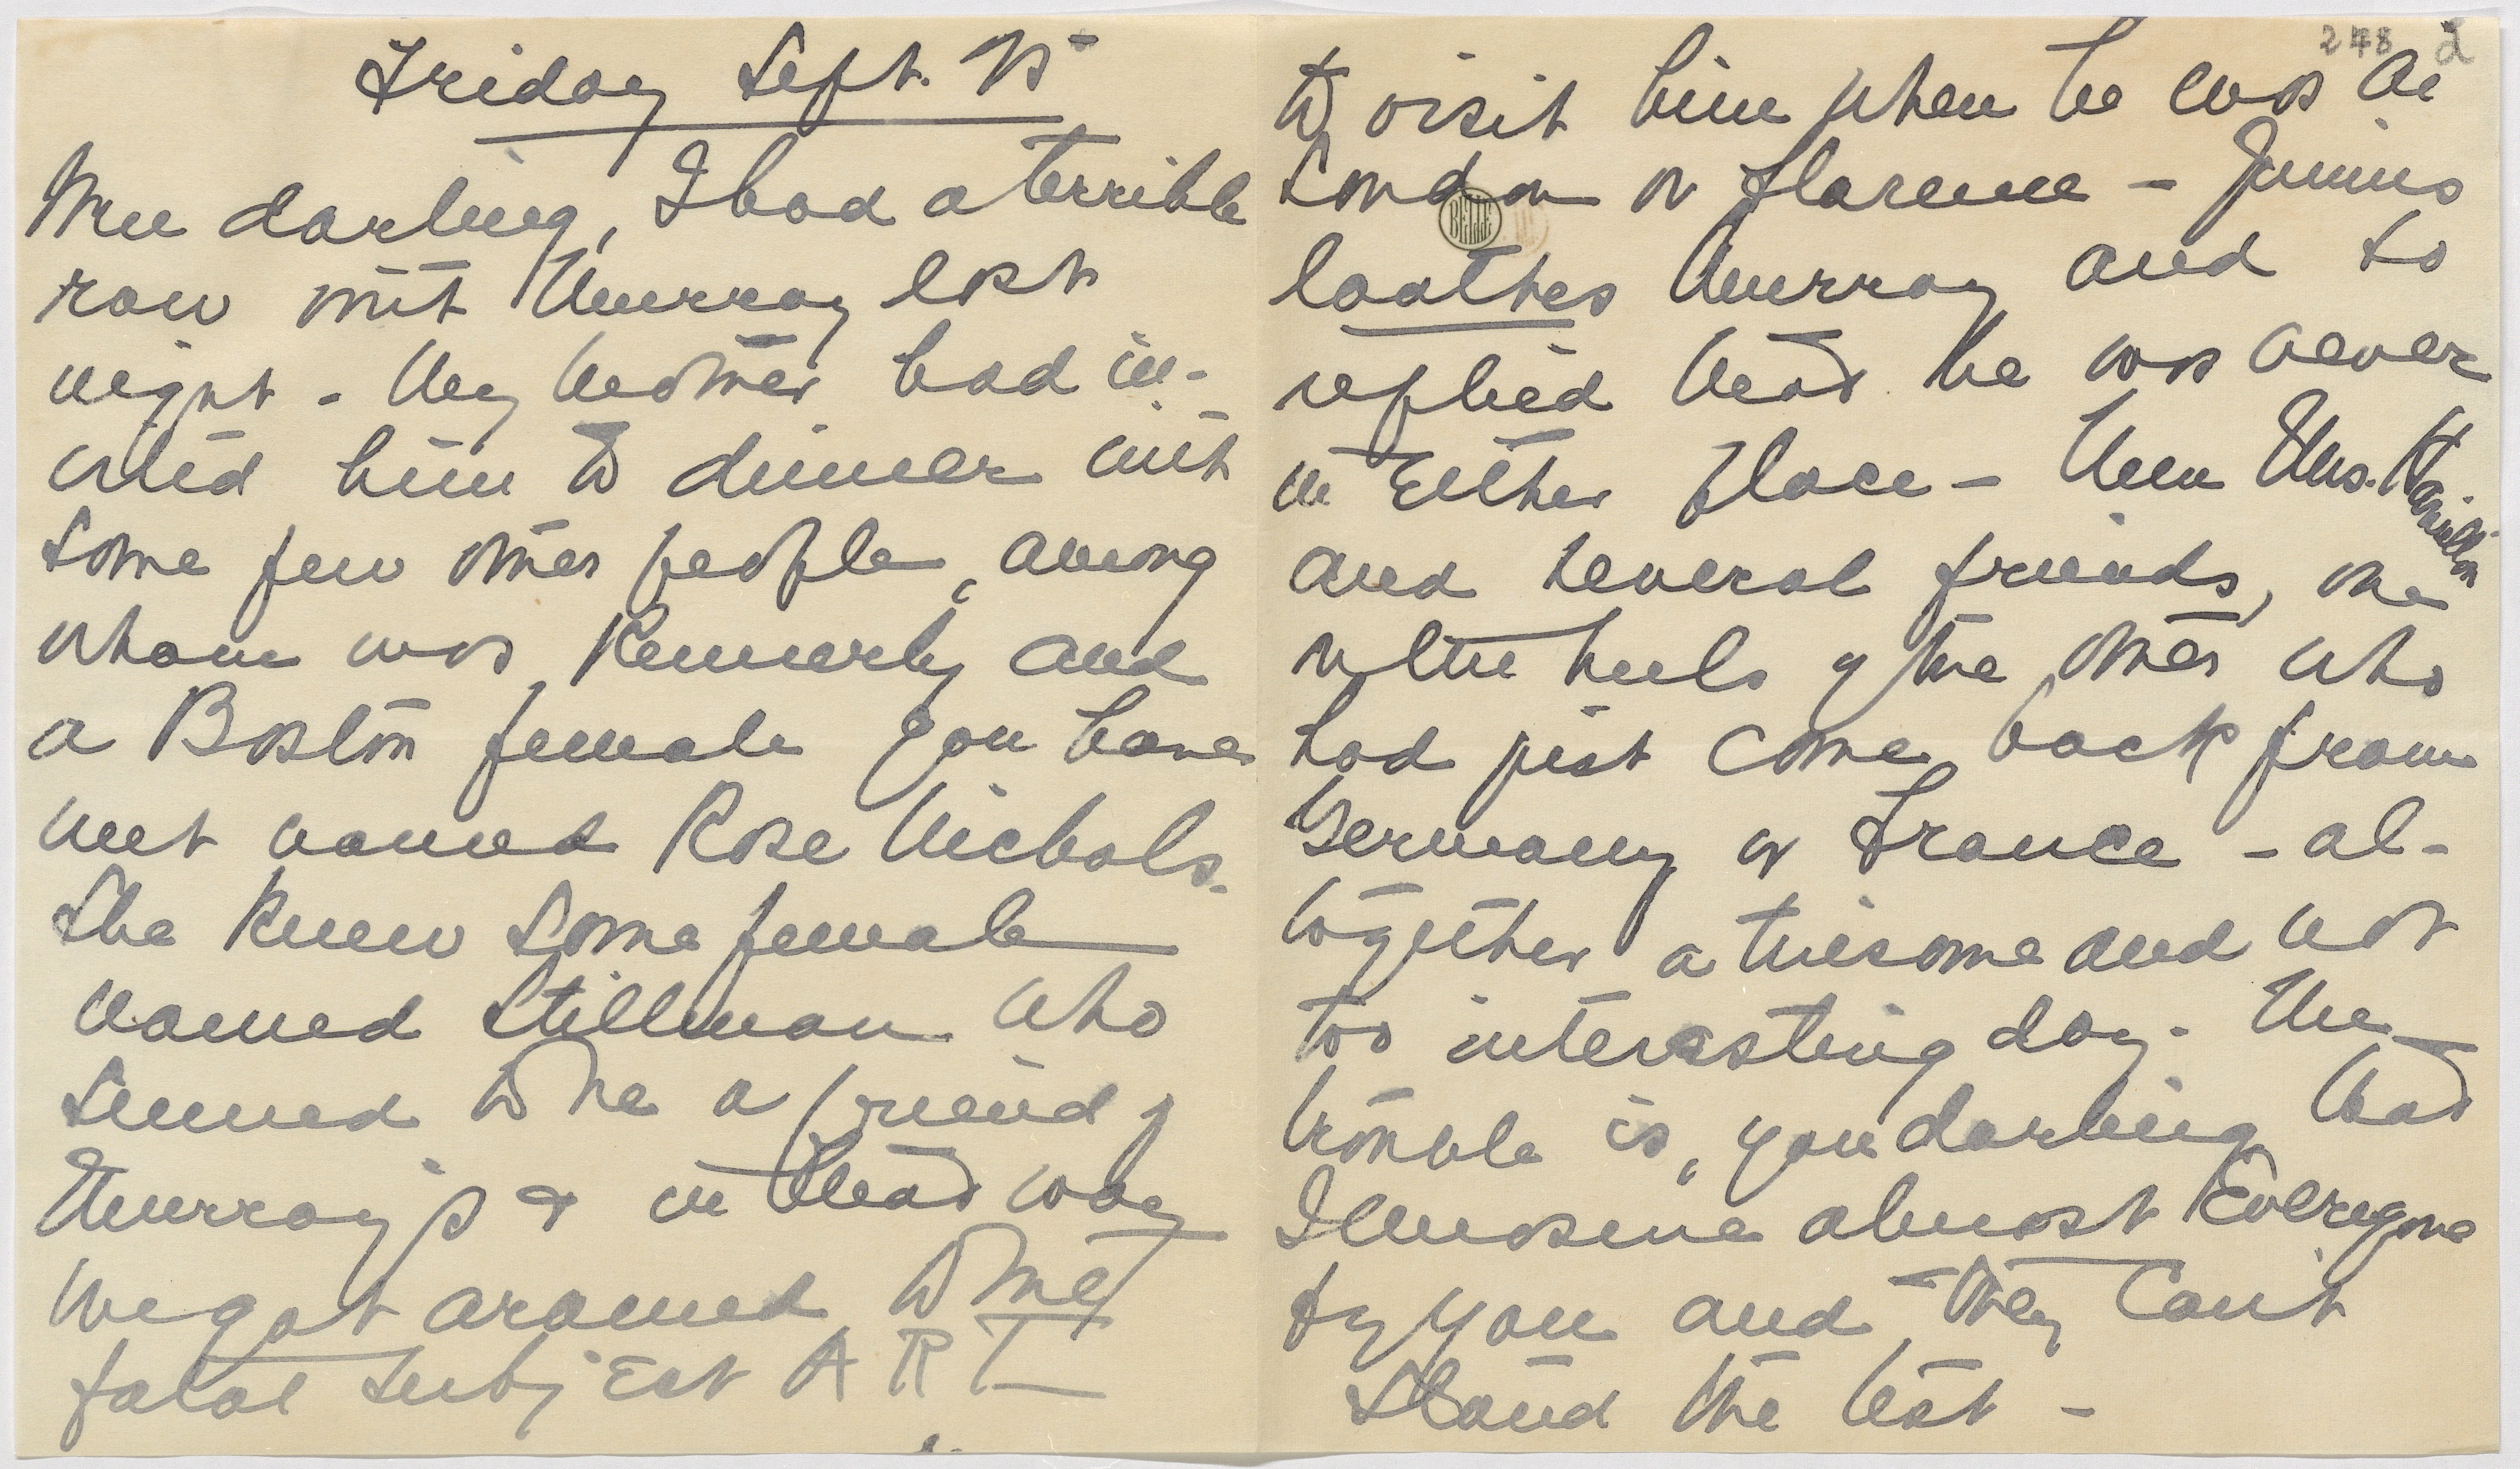to visit him when he was in London or Florence – Junius loathes Murray and so replied that he was never in either place – then Mrs. Hamilton and several friends, one on the heels of the other who had just came back from Germany or France – altogether a tiresome and not too interesting day – the trouble is, you darling that I measure almost everyone by you and they can’t stand the test –
Friday Sept. 25
Well darling, I had a terrible row with Murray last night – My mother had invited him to dinner with some few other people, among whom was Kennerley and a Boston female you have met named Rose Nichols. She knew some female named Stillman who seemed to be a friend of Murray’s & in that way we got around to the fatal subject ART –